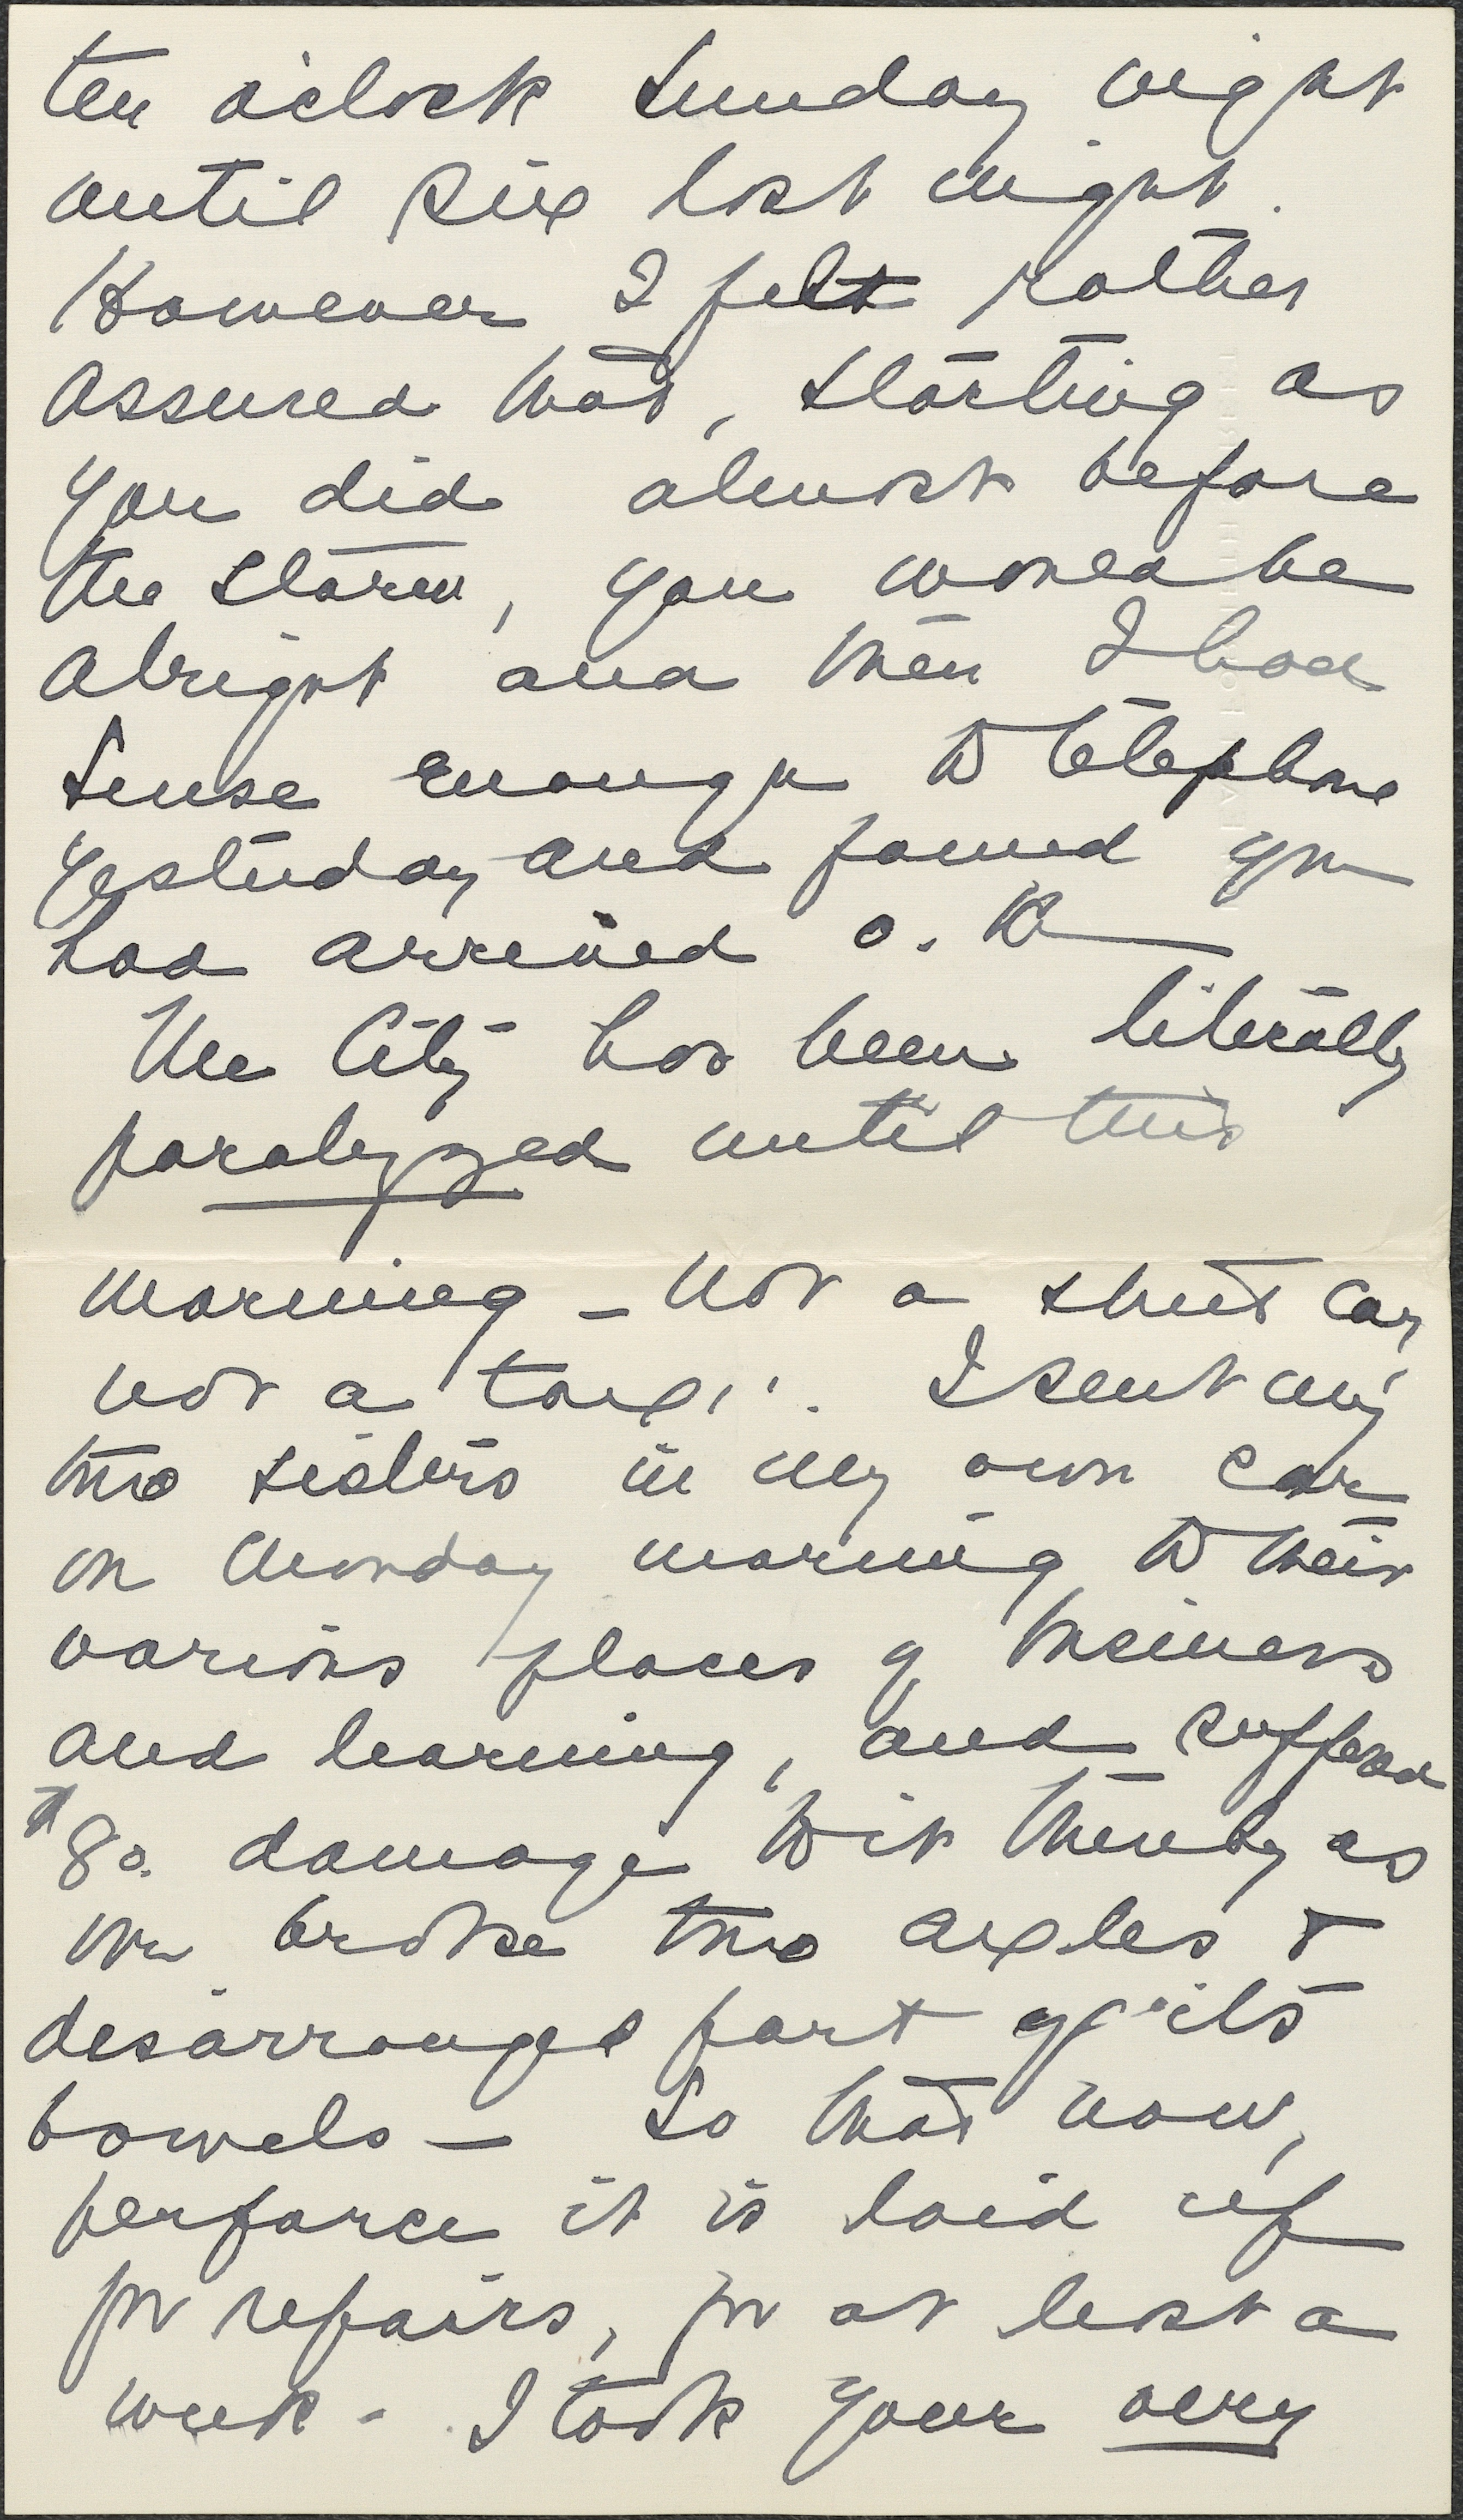ten o’clock Sunday night until six last night. However I felt rather assured that, starting as you did almost before the storm, you would be alright and then I had sense enough to telephone yesterday and found you had arrived o.k –
The city has been literally paralyzed until this morning – not a street car not a taxi. I sent my two sisters in my own car on Monday morning to their various places of business and learning, and suffered $80 damage to it thereby as we broke two axles & disarranged part of its bowels – so that now, perforce it is laid up for repairs, for at least a week – I took your very